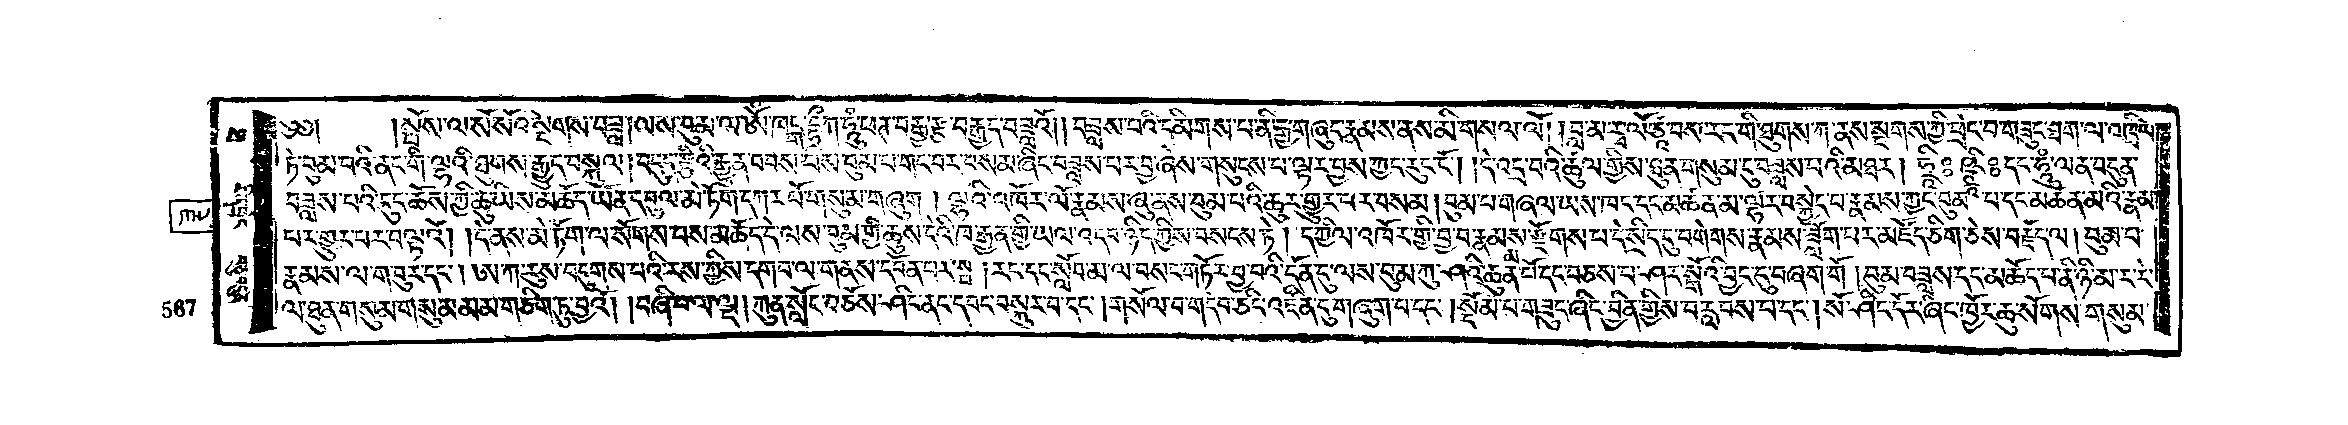༄༅། །སྤོས་ལ་སོ་སོའི་སྔགས་བཟླ། ལས་བུམ་ལ་ཨོཾ་ཁངྒ་དྷི་ཀ་ཧཱུཾ་ཕགས་བརྒྱ་རྩ་བརྒྱད་བཟླའོ། །བཟླས་པའི་དམིགས་པ་ནི་རྒྱ་གཞུང་རྣམས་ནས་མི་གསལ་ལོ། །བླ་མ་རྭ་ལོ་ཙཱ་བས་རང་གི་ཐུགས་ཀ་ནས་སྔགས་ཀྱི་ཕྲེང་བ་གཟུང་ཐག་ལ་འཁྲིལ་
ཏེ་བུམ་པའི་ནང་གི་ལྷའི་ཐུགས་རྒྱུད་བསྐུལ། བདུད་རྩིའི་རྒྱུན་བབས་པས་བུམ་པ་གང་བར་བསམ་ཞིང་བཟླས་པར་བྱ་ཞེས་གསུངས་པ་ལྟར་བྱས་ཀྱང་རུང་ངོ། །དེ་འདྲ་བའི་ཚུལ་གྱིས་ཐུན་གསུམ་དུ་བཟླས་པའི་མཐར། ཧྲཱིཿ ཥྚྲིཿ དང་ཧཱུཾ་ལན་བདུན་
བཟླས་པའི་དུང་ཆོས་ཀྱི་ཆུ་ཡིས་མཆོད་ཡོན་དབུལ་མེ་ཏོག་དཀར་པོ་གསུམ་གཞུག །ལྷའི་འཁོར་ལོ་རྣམས་ཞུ་ནས་བུམ་པའི་ཆུར་གྱུར་པར་བསམ། བུམ་པ་གཞལ་ཡས་ཁང་དང་མཚན་མ་ལྷར་བསྐྱེད་པ་རྣམས་ཀྱང་བུམ་པ་དང་མཚན་མའི་རྣམ་
པར་གྱུར་པར་བལྟའོ། །དེ་ནས་མེ་ཏོག་ལ་སོགས་པས་མཆོད་དེ་ལས་བུམ་གྱི་ཆུས་དེའི་ཁ་རྒྱན་གྱི་ཡལ་འདབ་ཉིད་ཀྱིས་བསངས་ཏེ། དཀྱིལ་འཁོར་གྱི་བྱ་བ་རྣམས་རྫོགས་པ་དེ་སྲིད་དུ་བགེགས་རྣམས་ཟློག་པར་མཛོད་ཅིག་ཅེས་བརྗོད་ལ། བུམ་པ་
རྣམས་ལ་ག་བུར་དང་། ཨ་ཀ་རུས་བདུགས་པའི་རས་ཀྱིས་དག་པ་ལ་གནས་དབེན་པར་སྦ། རང་དང་སློབ་མ་ལ་བསང་གཏོར་བྱ་བའི་དོན་དུ་ལས་བུམ་ཀུ་ཤའི་ཆུན་པོ་དང་བཅས་པ་ཤར་སྒོའི་བྱང་དུ་བཞག་གོ །བུམ་བཟླས་དང་མཆོད་པ་ནི་ཉི་མ་ར་རེ་
ལ་ཐུན་གསུམ་གསུམ་མམ་གཅིག་ཏུ་བྱའོ། །བཞི་པ་ལ་ལྔ། ཀུན་སློང་བཅོས་ཤིང་ནང་དབང་བསྐུར་བ་དང་། གསོལ་བ་གདབ་ཅིང་འཛིན་དུ་གཞུག་པ་དང་། སྡོམ་པ་གཟུང་ཞིང་བྱིན་གྱིས་བརླབས་པ་དང་། སོ་ཤིང་དོར་ཞིང་ཁྱོར་ཆུ་སོགས་གསུམ་